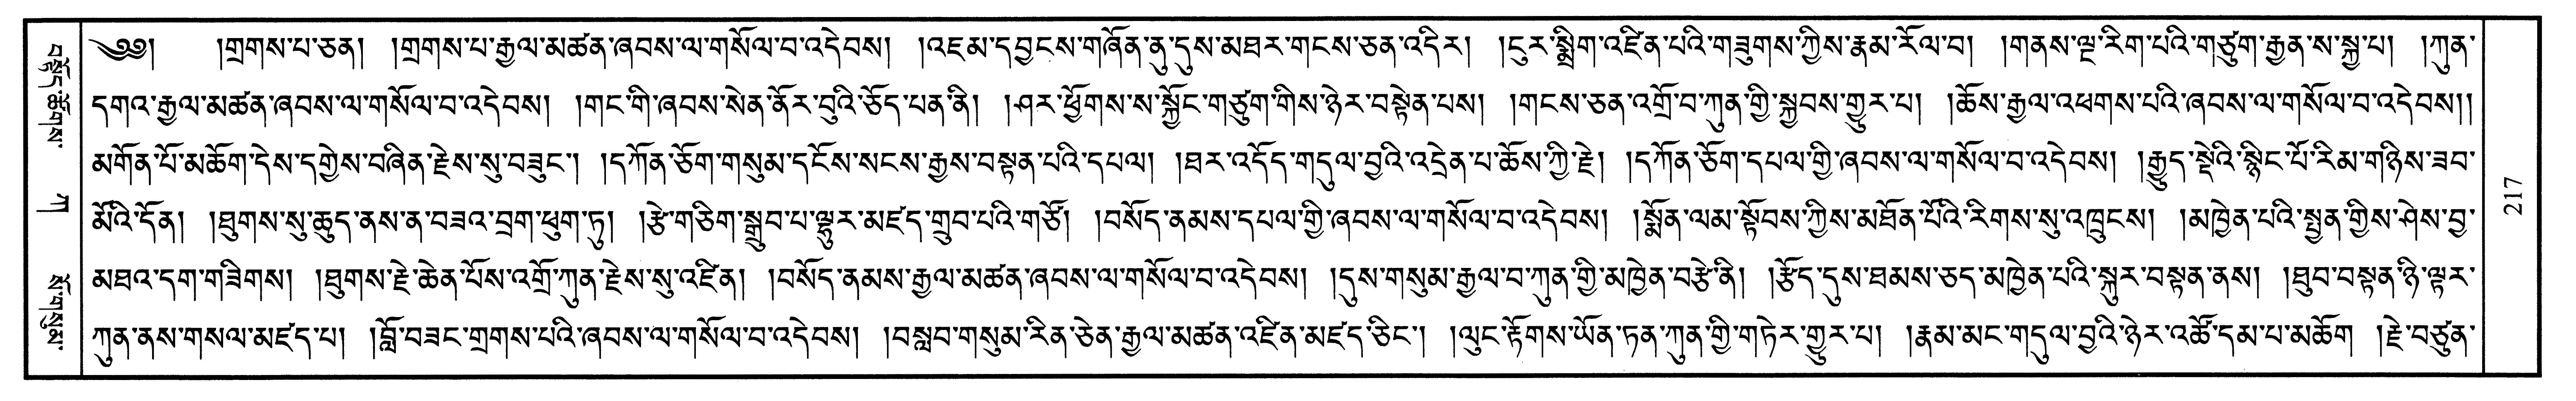༄༅། །གྲགས་པ་ཅན། །གྲགས་པ་རྒྱལ་མཚན་ཞབས་ལ་གསོལ་བ་འདེབས། །འཇམ་དབྱངས་གཞོན་ནུ་དུས་མཐར་གངས་ཅན་འདིར། །ངུར་སྨྲིག་འཛིན་པའི་གཟུགས་ཀྱིས་རྣམ་རོལ་པ། །གནས་ལྔ་རིག་པའི་གཙུག་རྒྱན་ས་སྐྱ་པ། །ཀུན་
དགའ་རྒྱལ་མཚན་ཞབས་ལ་གསོལ་བ་འདེབས། །གང་གི་ཞབས་སེན་ནོར་བུའི་ཅོད་པན་ནི། །ཤར་ཕྱོགས་ས་སྐྱོང་གཙུག་གིས་ཉེར་བསྟེན་པས། །གངས་ཅན་འགྲོ་བ་ཀུན་གྱི་སྐྱབས་གྱུར་པ། །ཆོས་རྒྱལ་འཕགས་པའི་ཞབས་ལ་གསོལ་བ་འདེབས།།
མགོན་པོ་མཆོད་དེས་དགྱེས་བཞིན་རྗེས་སུ་བཟུང་། །དཀོན་ཅོག་གསུམ་དངོས་སངས་རྒྱས་བསྟན་པའི་དཔལ། །ཐར་འདོད་གདུལ་བྱའི་འདྲེན་པ་ཆོས་ཀྱི་རྗེ། །དཀོན་ཅོག་དཔལ་གྱི་ཞབས་ལ་གསོལ་བ་འདེབས། །རྒྱུད་སྡེའི་སྙིང་པོ་རིམ་གཉིས་ཟབ་
མོའི་དོན། །ཐུགས་སུ་ཆུད་ནས་ན་བཟའ་བྲག་ཕུག་ཏུ། །རྩེ་གཅིག་སྒྲུབ་པ་ལྷུར་མཛད་གྲུབ་པའི་གཙོ། །བསོད་ནམས་དཔལ་གྱི་ཞབས་ལ་གསོལ་བ་འདེབས། །སྨོན་ལམ་སྟོབས་ཀྱིས་མཐོན་པོའི་རིགས་སུ་འཁྲུངས། །མཁྱེན་པའི་སྤྱན་གྱིས་ཤེས་བྱ་
མཐའ་དག་གཟིགས། །ཐུགས་རྗེ་ཆེན་པོས་འགྲོ་ཀུན་རྗེས་སུ་འཛིན། །བསོད་ནམས་རྒྱལ་མཚན་ཞབས་ལ་གསོལ་བ་འདེབས། །དུས་གསུམ་རྒྱལ་བ་ཀུན་གྱི་མཁྱེན་བརྩེ་ནི། །རྩོད་དུས་ཐམས་ཅད་མཁྱེན་པའི་སྐུར་བསྟན་ནས། །ཐུབ་བསྟན་ཉི་ལྟར་
ཀུན་ནས་གསལ་མཛད་པ། །བློ་བཟང་གྲགས་པའི་ཞབས་ལ་གསོལ་བ་འདེབས། །བསླབ་གསུམ་རིན་ཅེན་རྒྱལ་མཚན་འཛིན་མཛད་ཅིང་། །ལུང་རྟོགས་ཡོན་ཏན་ཀུན་གྱི་གཏེར་གྱུར་པ། །རྣམ་མང་གདུལ་བྱའི་ཉེར་འཚོ་དམ་པ་མཆོག །རྗེ་བཙུན་